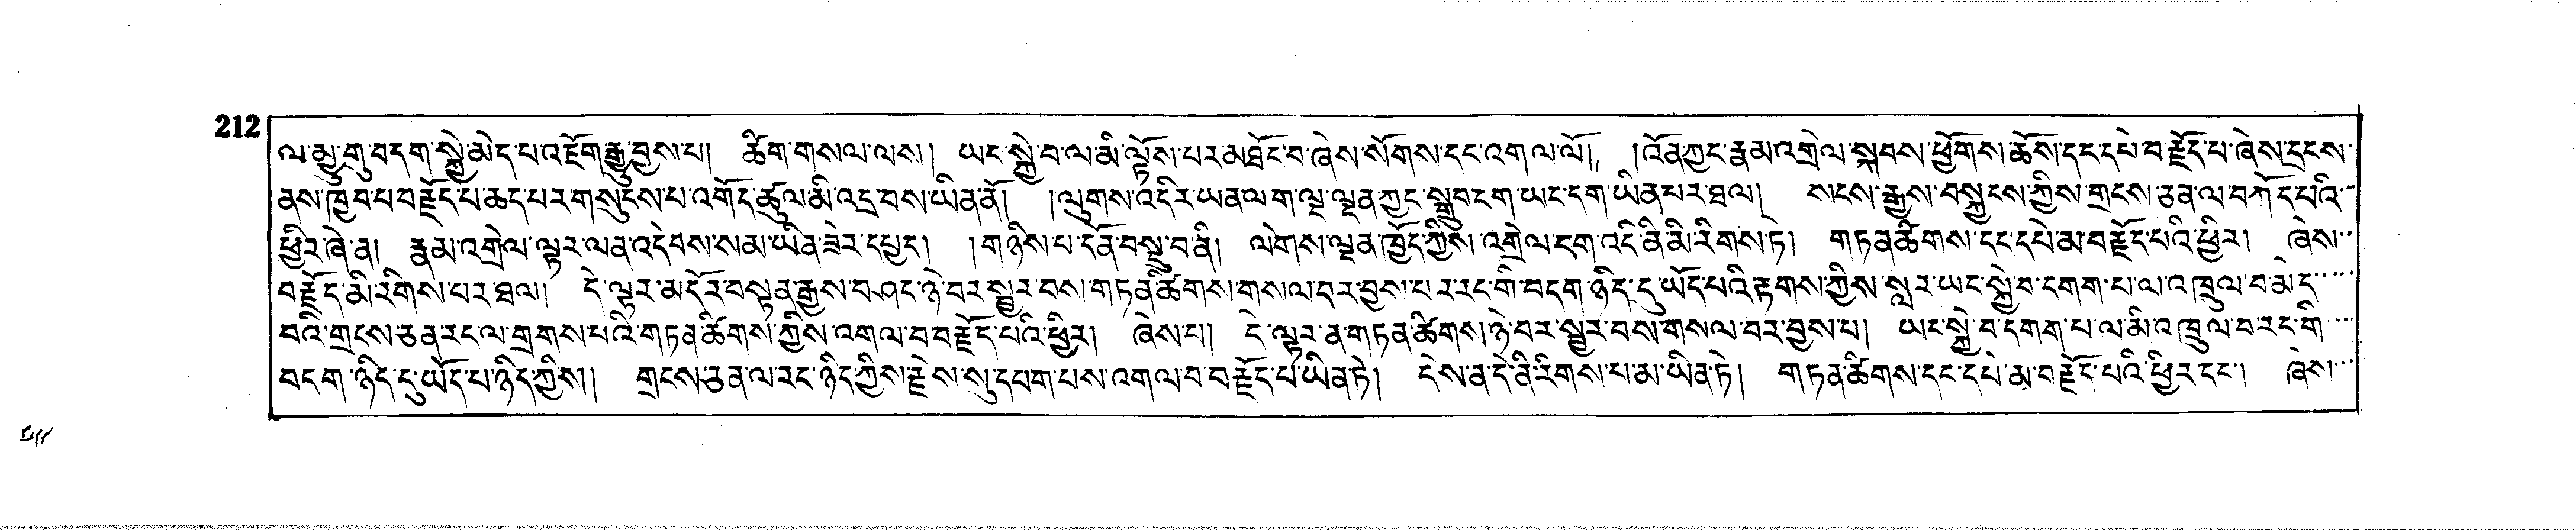ལ་མྱུ་གུ་བདག་སྐྱེ་མེད་པ་འཇོག་རྒྱུ་བྱས་པ། ཚིག་གསལ་ལས། ཡང་སྐྱེ་བ་ལ་མི་ལྟོས་པར་མཐོང་བ་ཞེས་སོགས་དང་འགལ་ལོ། །འོན་ཀྱང་རྣམ་འགྲེལ་སྐབས་ཕྱོགས་ཆོས་དང་དཔེ་བརྗོད་པ་ཞེས་དྲངས་
ནས་ཁྱབ་པ་བརྗོད་པ་ཆད་པར་གསུངས་པ་འགོད་ཚུལ་མི་འདྲ་བས་ཡིན་ནོ། །ལུགས་འདིར་ཡན་ལག་ལྔ་ལྡན་ཀྱང་སྒྲུབ་ངག་ཡང་དག་ཡིན་པར་ཐལ། སངས་རྒྱས་བསྐྱངས་ཀྱིས་གྲངས་ཅན་ལ་བཀོད་པའི་
ཕྱིར་ཞེ་ན། རྣམ་འགྲེལ་ལྟར་ལན་འདེབས་སམ་ཡིན་ཟེར་དཔྱད། །གཉིས་པ་དོན་བསྡུ་བ་ནི། ལེགས་ལྡན་ཁྱོད་ཀྱིས་འགྲེལ་ངག་འདི་ནི་མི་རིགས་ཏེ། གཏན་ཚིགས་དང་དཔེ་མ་བརྗོད་པའི་ཕྱིར། ཞེས་
བརྗོད་མི་རིགས་པར་ཐལ། དེ་ལྟར་མདོར་བསྟན་རྒྱས་བཤད་ཉེ་བར་སྦྱར་བས་གཏན་ཚིགས་གསལ་བར་བྱས་པར་རང་གི་བདག་ཉིད་དུ་ཡོད་པའི་རྟགས་ཀྱིས་སླར་ཡང་སྐྱེ་བ་དགག་པ་ལ་འཁྲུལ་བ་མེད་
བའི་གྲངས་ཅན་རང་ལ་གྲགས་པའི་གཏན་ཚིགས་ཀྱིས་འགལ་བ་བརྗོད་པའི་ཕྱིར། ཞེས་པ། དེ་ལྟར་ན་གཏན་ཚིགས་ཉེ་བར་སྦྱར་བས་གསལ་བར་བྱས་པ། ཡང་སྐྱེ་བ་དགག་པ་ལ་མི་འཁྲུལ་བ་རང་གི་
བདག་ཉིད་དུ་ཡོད་པ་ཉིད་ཀྱིས། གྲངས་ཅན་ལ་རང་ཉིད་ཀྱིས་རྗེས་སུ་དཔག་པས་འགལ་བ་བརྗོད་པ་ཡིན་ཏེ། དེས་ན་དེ་ནི་རིགས་པ་མ་ཡིན་ཏེ། གཏན་ཚིགས་དང་དཔེ་མ་བརྗོད་པའི་ཕྱིར་དང་། ཞེས་